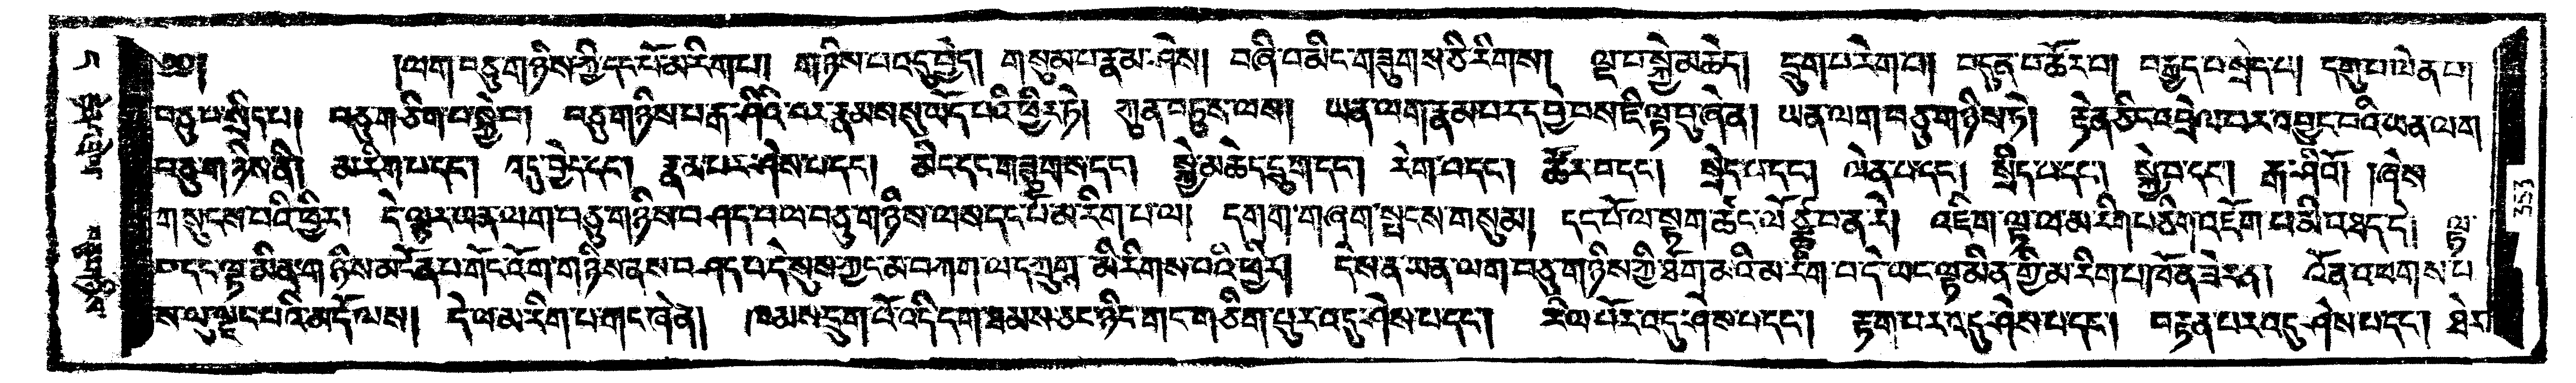༄༅། །ལག་བཅུ་གཉིས་ཀྱི་དང་པོ་མ་རིག་པ། གཉིས་པ་འདུ་བྱེད། གསུམ་པ་རྣམ་ཤེས། བཞི་པ་མིང་གཟུགས་ཅི་རིགས། ལྔ་པ་སྐྱེ་མཆེད། དྲུག་པ་རེག་པ། བདུན་པ་ཚོར་བ། བརྒྱད་པ་སྲེད་པ། དགུ་པ་ལེན་པ།
བཅུ་པ་སྲིད་པ། བཅུ་གཅིག་པ་སྐྱེ་བ། བཅུ་གཉིས་པ་རྒ་ཤིའི་བར་རྣམས་སུ་ཡོད་པའི་ཕྱིར་ཏེ། ཀུན་བཏུས་ལས། ཡན་ལག་རྣམ་པར་དབྱེ་བས་ཇི་ལྟ་བུ་ཞེ་ན། ཡན་ལག་བཅུ་གཉིས་ཏེ། རྟེན་ཅིང་འབྲེལ་བར་འབྱུང་བའི་ཡན་ལག་
བཅུ་གཉིས་ནི། མ་རིག་པ་དང་། འདུ་བྱེད་དང་། རྣམ་པར་ཤེས་པ་དང་། མིང་དང་གཟུགས་དང་། སྐྱེ་མཆེད་དྲུག་དང་། རེག་པ་དང་། ཚོར་བ་དང་། སྲེད་པ་དང་། ལེན་པ་དང་། སྲིད་པ་དང་། སྐྱེ་བ་དང་། རྒ་ཤིའོ། །ཞེས་
གསུངས་པའི་ཕྱིར། དེ་ལྟར་ཡན་ལག་བཅུ་གཉིས་བཤད་པ་ལ་བཅུ་གཉིས་ལས་དང་པོ་མ་རིག་པ་ལ། དགག་གཞག་སྤངས་གསུམ། དང་པོ་ལ་སྟག་ཚང་ལོཙྪ་བ་ན་རེ། འཇིག་ལྟ་ལ་མ་རིག་པ་ཅིག་འཇོག་པ་མི་འཐད་དེ། ལྟ་
བ་དང་ལྟ་མིན་གཉིས་མངོན་པ་གོང་འོག་གཉིས་ནས་བཤད་པ་དེ་སུས་ཀྱང་མ་བཀག་ལ་དཀྲུགས་མི་རིགས་པའི་ཕྱིར། དེས་ན་ཡན་ལག་བཅུ་གཉིས་ཀྱི་ཐོག་མའི་མ་རིག་པ་དེ་ཡང་ལྟ་མིན་གྱི་མ་རིག་པ་ཁོ་ན་ཟེར་ན། འོན་འཕགས་པ་
ས་ལུ་ལྗང་པའི་མདོ་ལས། དེ་ལ་མ་རིག་པ་གང་ཞེ་ན། ཁམས་དྲུག་པོ་འདི་དག་ཐམས་ཅད་ཉིད་གང་གཅིག་པུར་འདུ་ཤེས་པ་དང་། རིལ་པོར་འདུ་ཤེས་པ་དང་། རྟག་པར་འདུ་ཤེས་པ་དང་། བརྟན་པར་འདུ་ཤེས་པ་དང་། ཐེར་